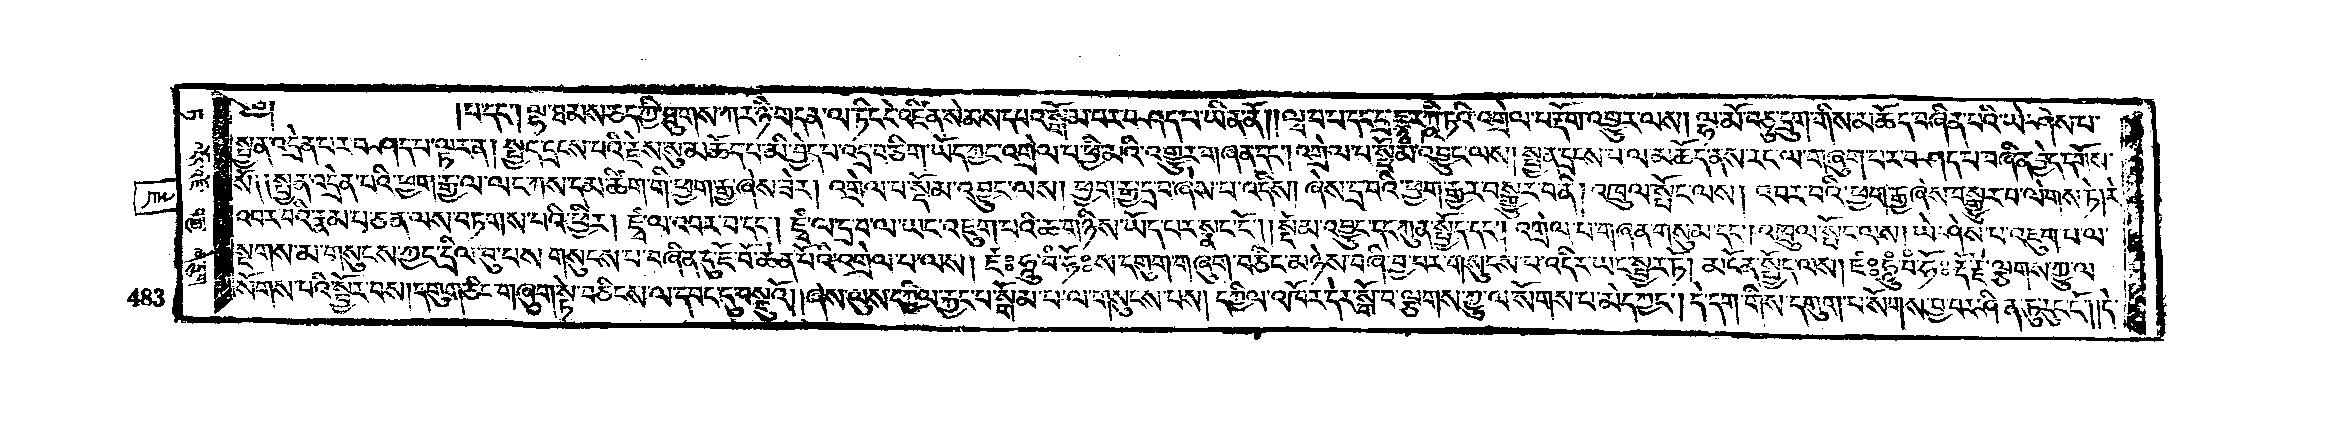༄༅། །པ་དང་། ལྷ་ཐམས་ཅད་ཀྱི་ཐུགས་ཀར་ཉི་གདན་ལ་ཏིང་ངེ་འཛིན་སེམས་དཔའ་སྒོམ་པར་བཤད་པ་ཡིན་ནོ། །ལྭ་བ་པ་དང་པྲཛྙཱ་རཀྵི་ཏའི་འགྲེལ་པ་རྡོག་འགྱུར་ལས། ལྷ་མོ་བཅུ་དྲུག་གིས་མཆོད་བཞིན་པའི་ཡེ་ཤེས་པ་
སྤྱན་འདྲེན་པར་བཤད་པ་ལྟར་ན། སྤྱན་དྲངས་པའི་རྗེས་སུ་མཆོད་པ་མི་བྱེད་པ་འདྲ་བ་ཅིག་ཡོད་ཀྱང་འགྲེལ་པ་ཕྱི་མའི་འགྱུར་གཞན་དང་། འགྲེལ་པ་སྡོམ་འབྱུང་ལས། སྤྱན་དྲངས་པ་ལ་མཆོད་ནས་རང་ལ་གཞུག་པར་བཤད་པ་བཞིན་བྱེད་དགོས་
སོ། །སྤྱན་འདྲེན་པའི་ཕྱག་རྒྱ་ལ་ལང་ཀས་དམ་ཚིག་གི་ཕྱག་རྒྱ་ཞས་ཟེར། འགྲེལ་པ་སྡོམ་འབྱུང་ལས། ཕྱག་རྒྱ་དྲ་བ་ཞེས་པ་འདིས། ཞེས་དྲ་བའི་ཕྱག་རྒྱར་བསྒྱུར་བ་ནི། འཁྲུལ་སྤོང་ལས། འབར་བའི་ཕྱག་རྒྱ་ཞེས་བསྒྱུར་བ་ལེགས་ཏེ། མེ་
འབར་བའི་རྣམ་པ་ཅན་ལས་བཏགས་པའི་ཕྱིར། ཛྭ་ལ་འབར་བ་དང་། ཛྭ་ལ་དྲ་བ་ལ་ཡང་འཇུག་པའི་ཆ་གཉིས་ཡོད་པར་སྣང་ངོ། །སྡོམ་འབྱུང་དང་ཀུན་སྤྱོད་དང་། འགྲེལ་པ་གཞན་གསུམ་དང་། འཁྲུལ་སྤོང་ལས། ཡེ་ཤེས་པ་འཇུག་པ་ལ་
སྔགས་མ་གསུངས་ཀྱང་དྲིལ་བུ་པས་གསུངས་པ་བཞིན་དུ་ཇོ་བོ་ཆེན་པོའི་འགྲེལ་པ་ལས། ཛཿ ཧཱུཾ་བཾ་ཧོཿ ས་དགུག་གཞུག་བཅིང་མཉེས་བཞི་བྱ་བར་གསུངས་པ་འདིར་ཡང་སྦྱར་ཏེ། མངོན་སྤྱོད་ལས། ཛཿ ཧཱུཾ་བཾ་ཧོཿ རྡོ་རྗེ་ལྕགས་ཀྱུ་ལ་
སོགས་པའི་སྦྱོར་བས། དགུག་ཅིང་གཞུག་སྟེ་བཅིངས་ལ་དབང་དུ་བསྡུའོ། །ཞེས་ལུས་དཀྱིལ་རྐྱང་པ་སྒོམ་པ་ལ་གསུངས་པས། དཀྱིལ་འཁོར་དེར་སྒོ་བ་ལྕགས་ཀྱུ་ལ་སོགས་པ་མེད་ཀྱང་། དེ་དག་གིས་དགུག་པ་སོགས་བྱ་བར་ཤིན་ཏུ་རུང་ངོ། །དེ་